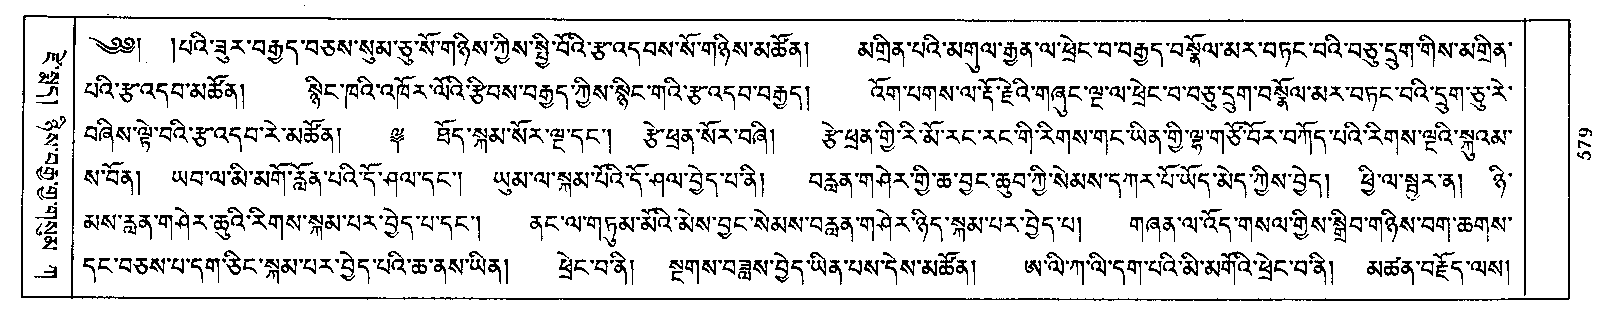༄༅། །པའི་ཟུར་བརྒྱད་བཅས་སུམ་ཅུ་སོ་གཉིས་ཀྱིས་སྤྱི་བོའི་རྩ་འདབས་སོ་གཉིས་མཚོན། མགྲིན་པའི་མགུལ་རྒྱན་ལ་ཕྲེང་བ་བརྒྱད་བསྣོལ་མར་བཏང་བའི་བཅུ་དྲུག་གིས་མགྲིན་
པའི་རྩ་འདབ་མཚོན། སྙིང་ཁའི་འཁོར་ལོའི་རྩིབས་བརྒྱད་ཀྱིས་སྙིང་གའི་རྩ་འདབ་བརྒྱད། འོག་པགས་ལ་རྡོ་རྗེའི་གཞུང་ལྔ་ལ་ཕྲེང་བ་བཅུ་དྲུག་བསྣོལ་མར་བཏང་བའི་དྲུག་ཅུ་རེ་
བཞིས་ལྟེ་བའི་རྩ་འདབ་རེ་མཚོན། ༈ ཐོད་སྐམ་སོར་ལྔ་དང་། རྩེ་ཕྲན་སོར་བཞི། རྩེ་ཕྲན་གྱི་རི་མོ་རང་རང་གི་རིགས་གང་ཡིན་གྱི་ལྷ་གཙོ་བོར་བཀོད་པའི་རིགས་ལྔའི་སྐུའམ་
ས་བོན། ཡབ་ལ་མི་མགོ་རློན་པའི་དོ་ཤལ་དང་། ཡུམ་ལ་སྐམ་པོའི་དོ་ཤལ་བྱེད་པ་ནི། བརླན་གཤེར་གྱི་ཆ་བྱང་ཆུབ་ཀྱི་སེམས་དཀར་པོ་ཡོད་མེད་ཀྱིས་བྱེད། ཕྱི་ལ་སྦྱར་ན། ཉི་
མས་རླན་གཤེར་ཆུའི་རིགས་སྐམ་པར་བྱེད་པ་དང་། ནང་ལ་གཏུམ་མོའི་མེས་བྱང་སེམས་བརླན་གཤེར་ཉིད་སྐམ་པར་བྱེད་པ། གཞན་ལ་འོད་གསལ་གྱིས་སྒྲིབ་གཉིས་བག་ཆགས་
དང་བཅས་པ་དག་ཅིང་སྐམ་པར་བྱེད་པའི་ཆ་ནས་ཡིན། ཕྲེང་བ་ནི། སྔགས་བཟླས་བྱེད་ཡིན་པས་དེས་མཚོན། ཨ་ལི་ཀ་ལི་དག་པའི་མི་མགོའི་ཕྲེང་བ་ནི། མཚན་བརྗོད་ལས།